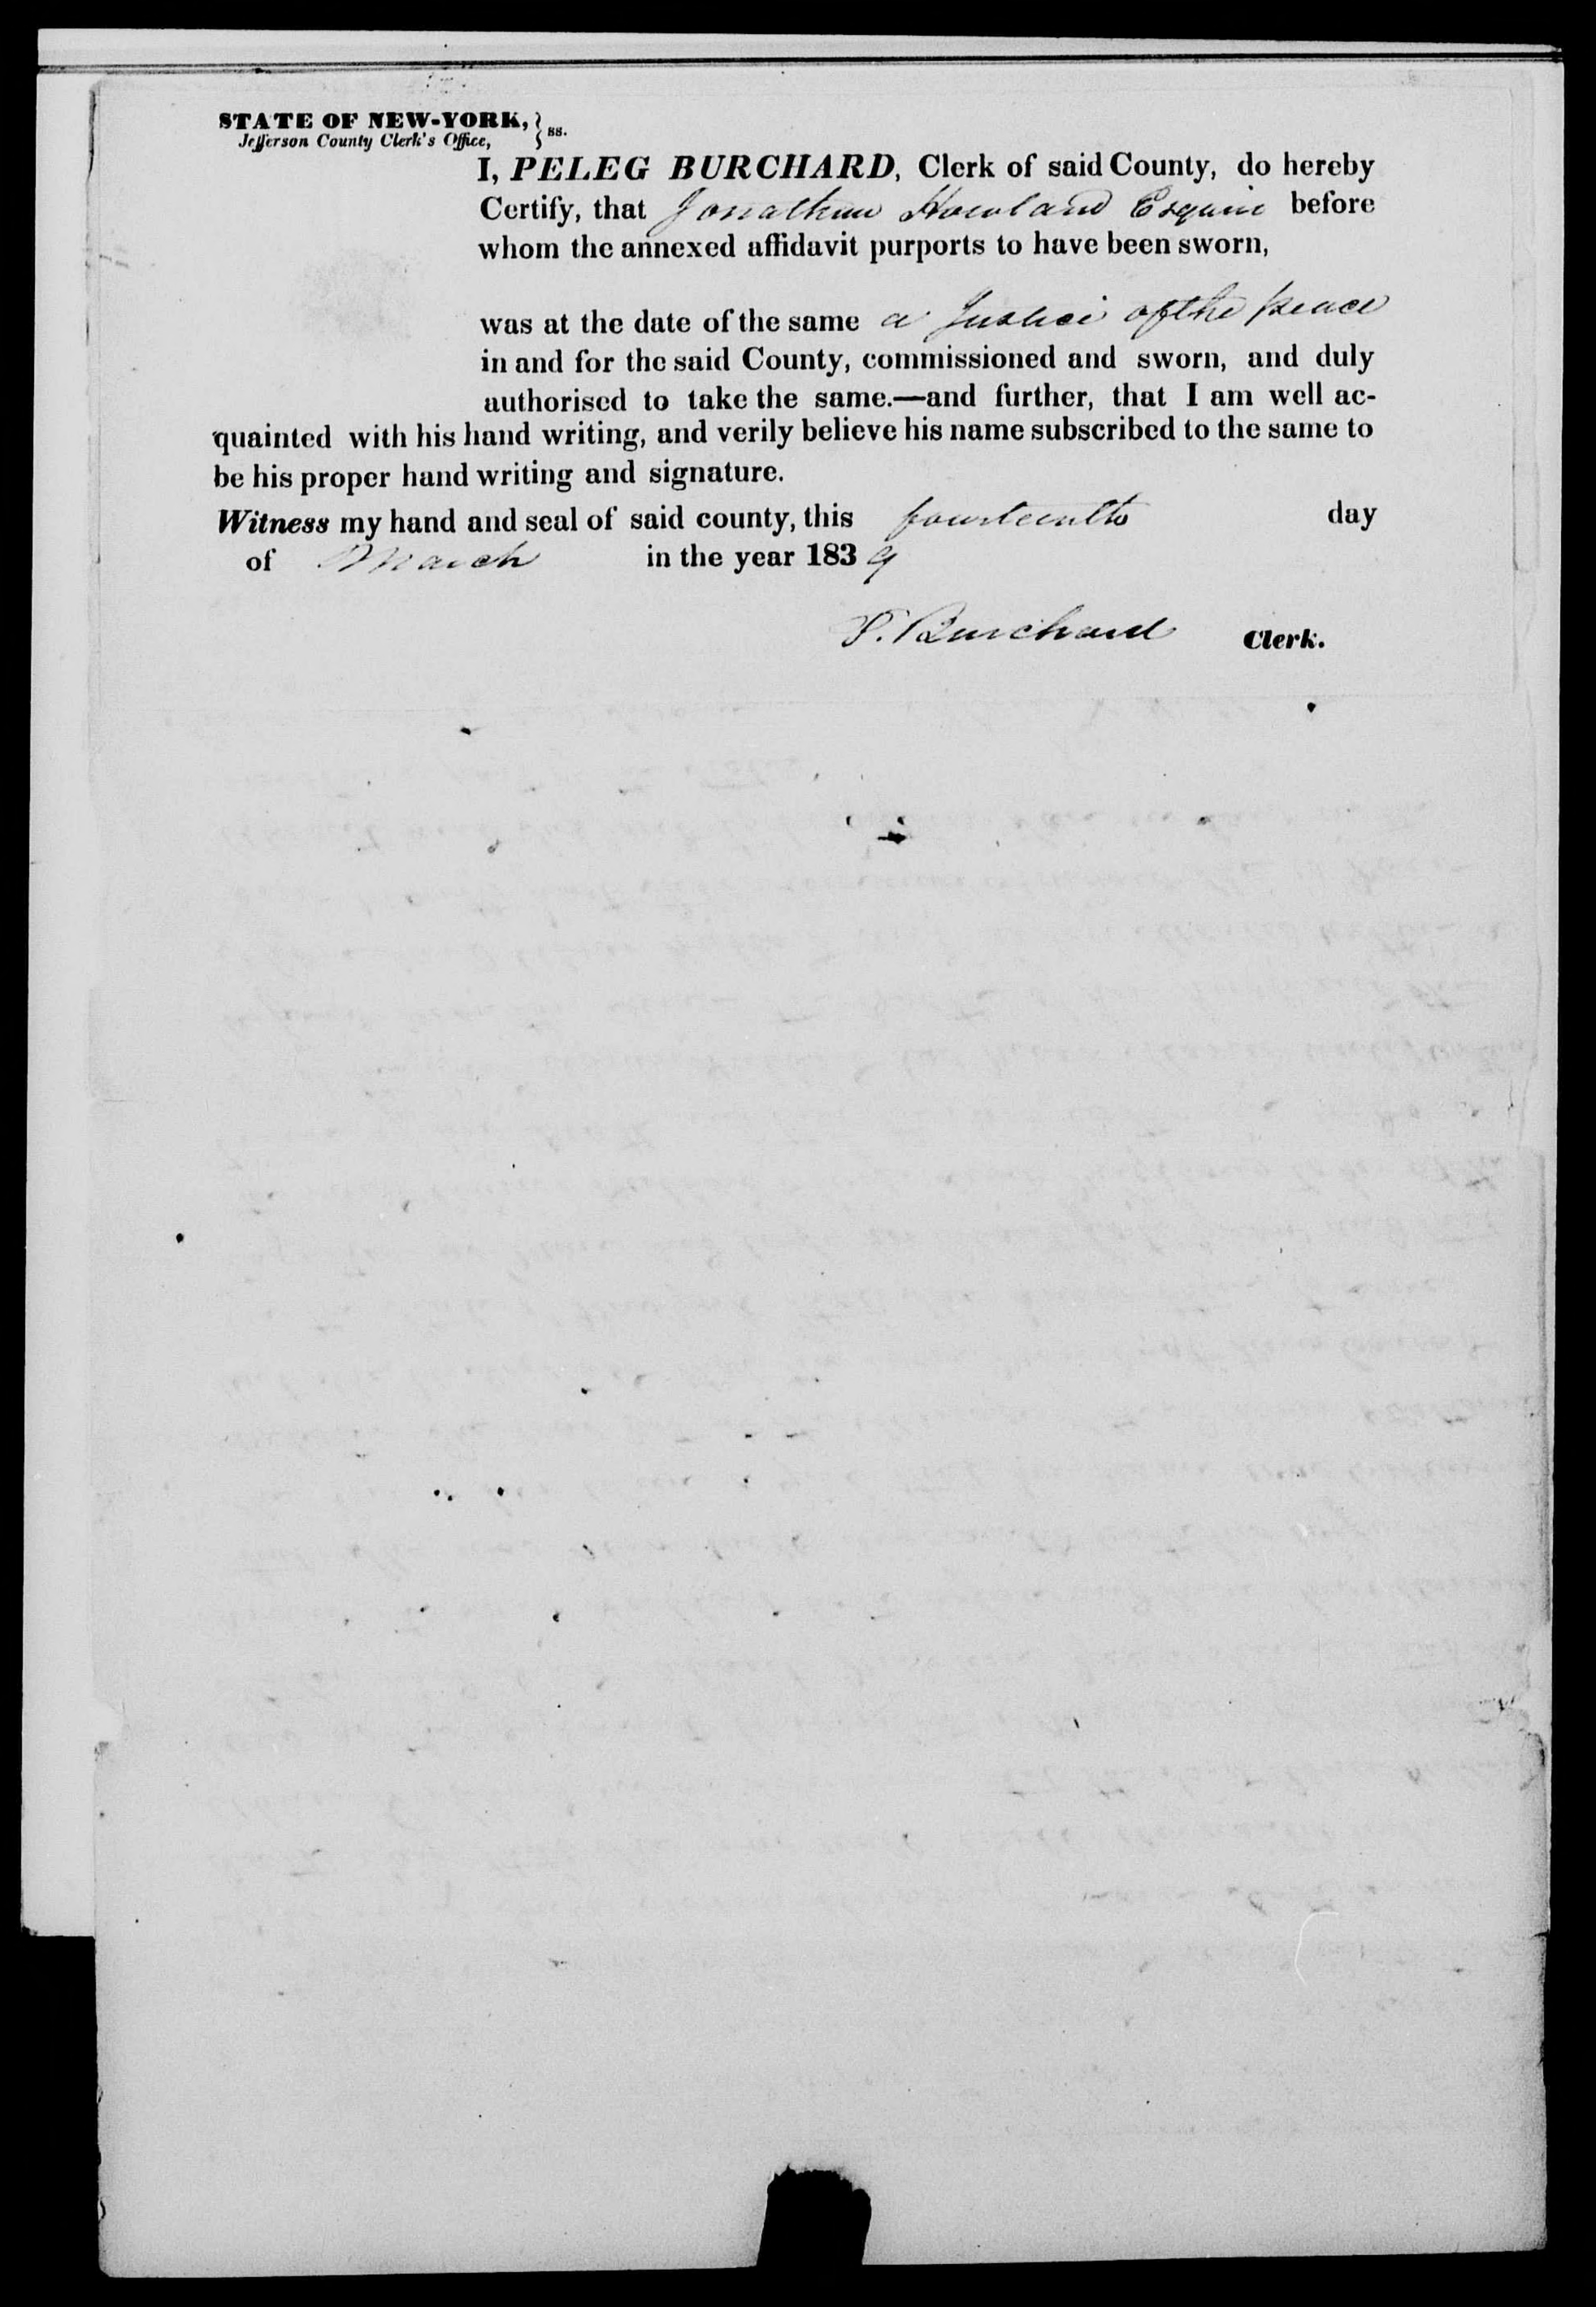STATE OF NEW YORK
Jefferson County Clerk's Office }ss.

I, PELEG BURCHARD, Clerk of said County, do hereby Certify, that ([handwritten] Jonathan Howland Esquire) before whom the annexed affidavit purports to have been sworn, was at the date of the same ([handwritten] a justice of the peace) in and for the said County, commissioned and sworn, and duly authorised to take the same.-and further, that I am well acquainted with his hand writing, and verily believe his name subscribed to the same to be his proper hand writing and signature.
Witness my hand and seal of said county, this fourteenth day of March in the year 1839.

P. Burchard Clerk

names: Peleg Burchard, Jonathan Howland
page: 36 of 38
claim: widow's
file: W. 23,381, Abner Hubbard, Continental Mass.